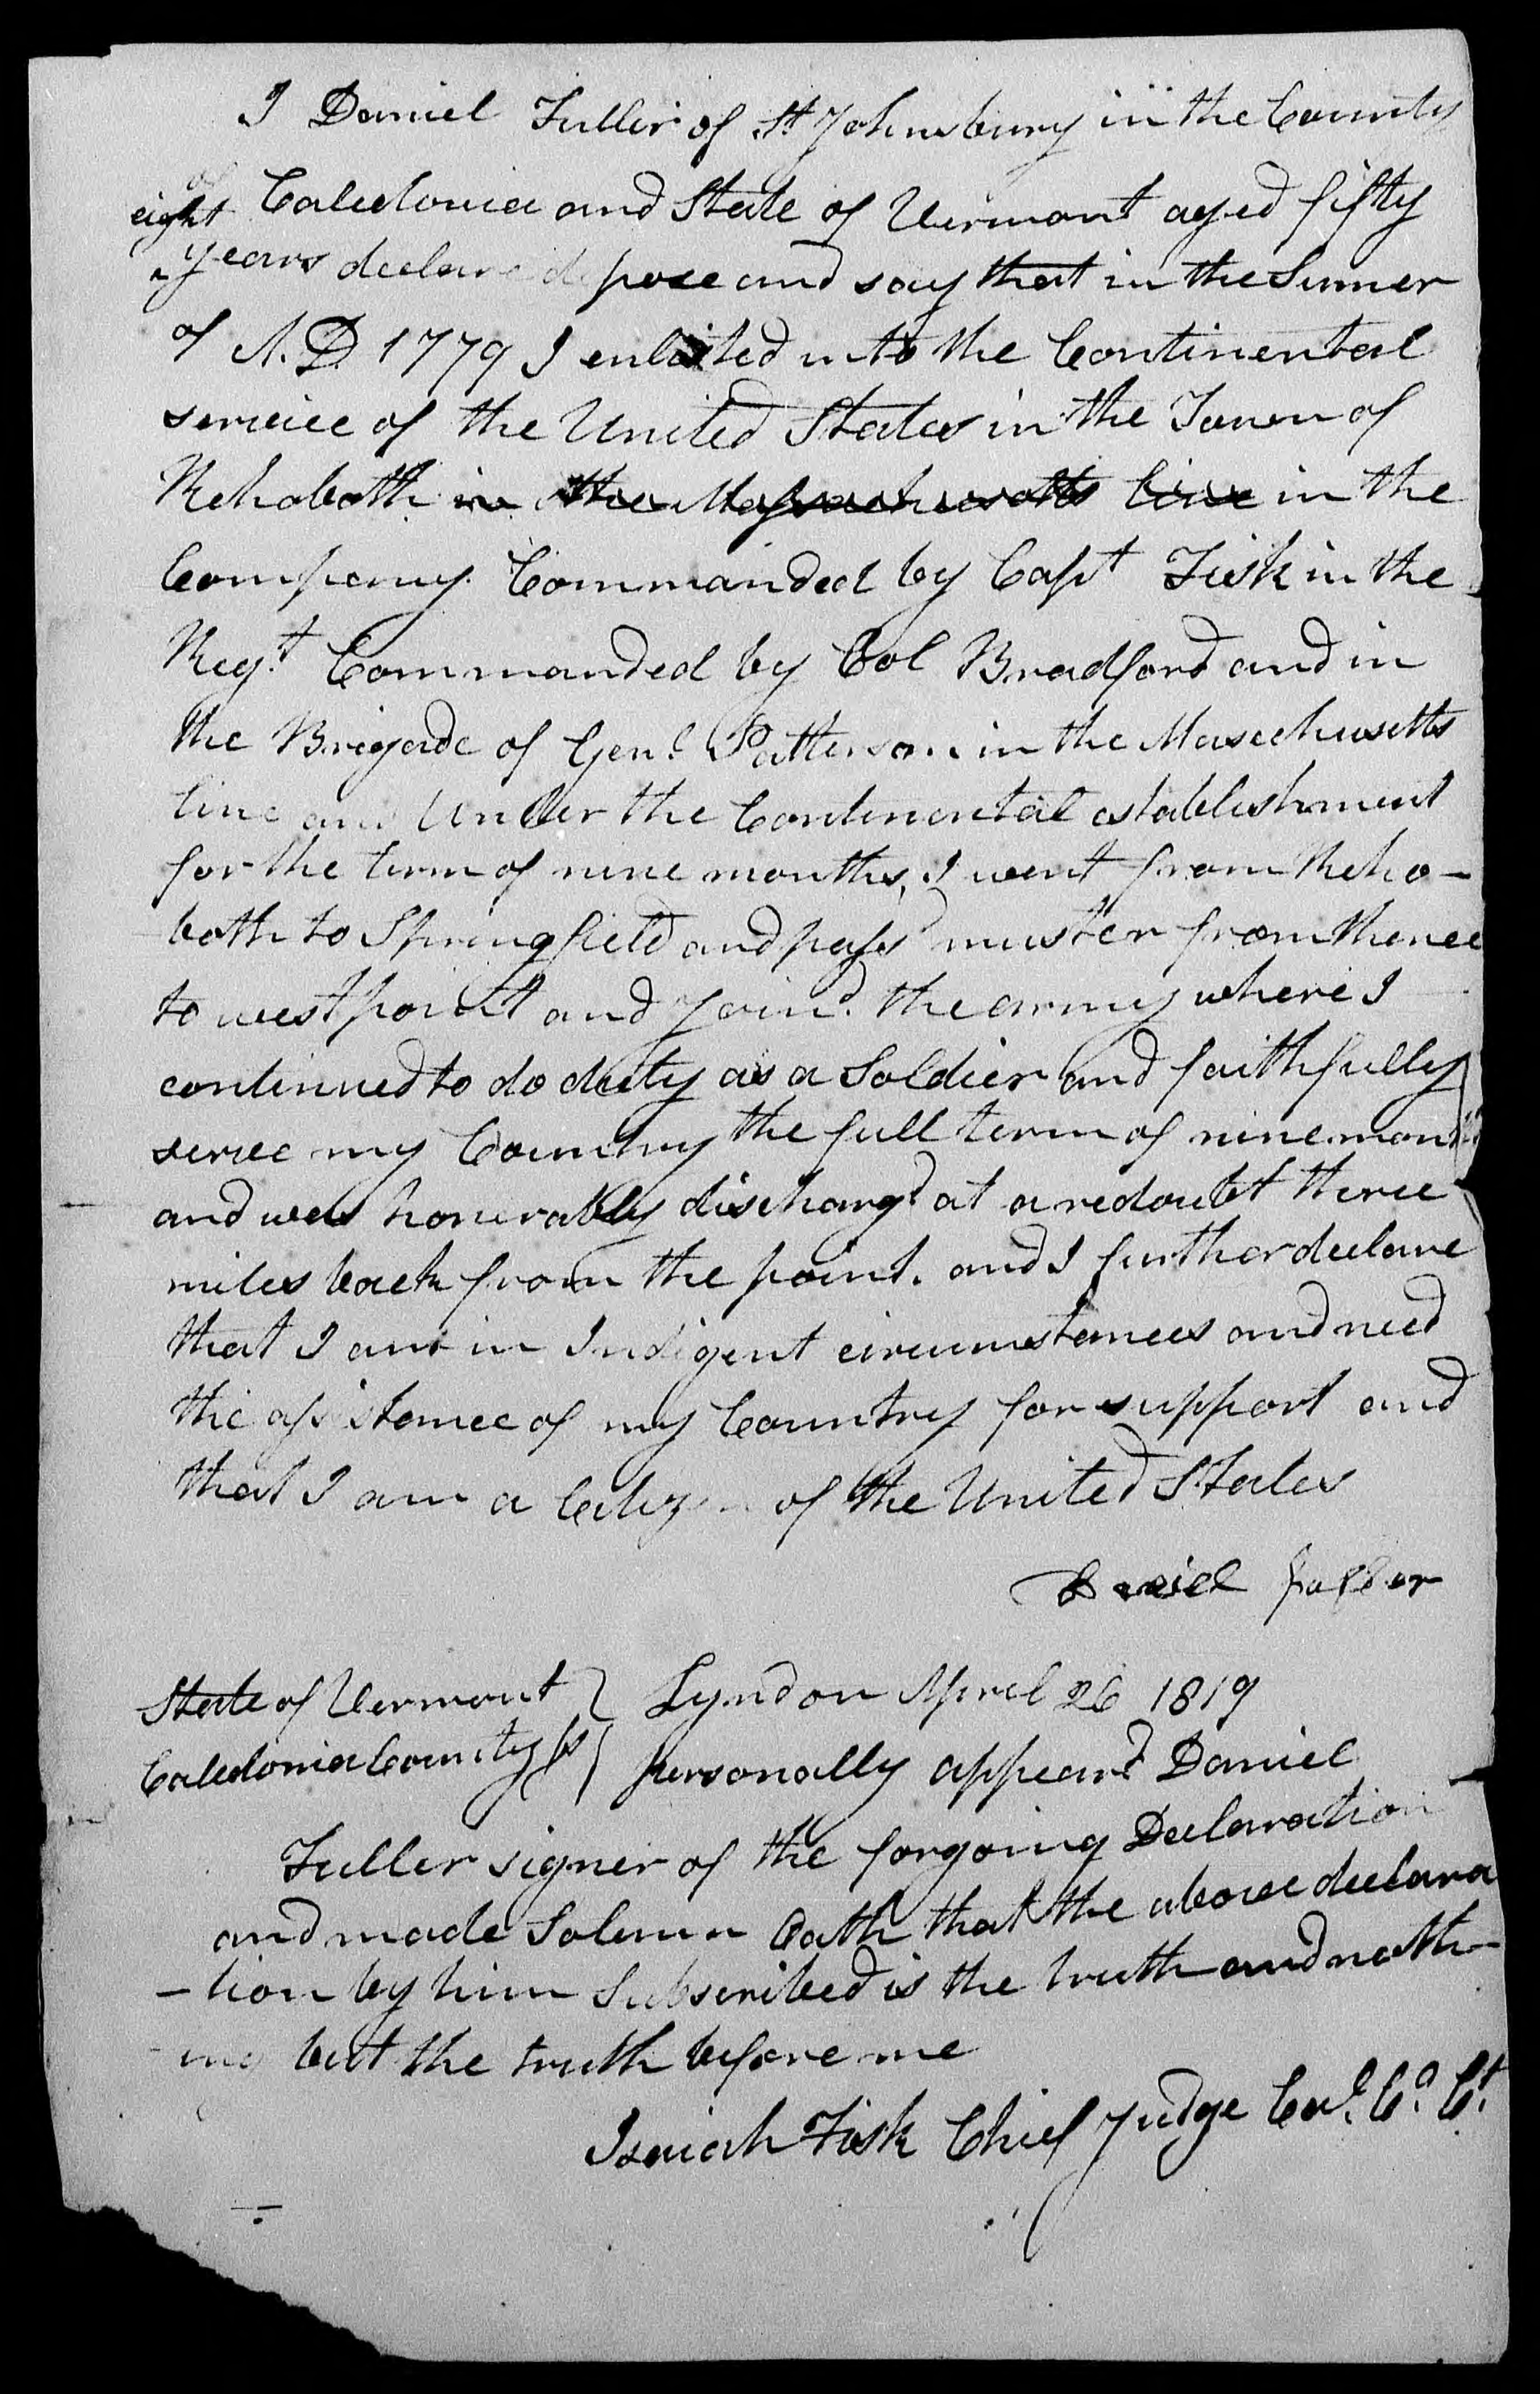I Daniel Fuller of St Johnsbury in the County of Caledonia and State of Vermont aged fifty years declare depose and say that in the Sumer of A. D. 1779 I enlisted into the Continental service of the United States in the Town of Rehoboth in the Massachusetts line (crossed out) in the company Commanded by Capt Fisk in the Regt Commanded by Col Bradford and in the Brigade of Gen.l Patterson in the Massachusetts line and under the Continental establishment for the term of nine months. I went from Rehoboth to Springfield and passed muster from there to Westford and joined the army where I continued to do duty as a Soldier and faithfully served my Country the full term of nine months and was honorably discharged at [illegible] three miles back from the front. and I further declare that I am in Indigent circumstances and need the assistance of my Country for support and that I am a citizen of the United States
Daniel Fuller (signed) 

State of Vermont
Caledonia Country ss}
Lyndon April 26 1819
Personally appeared Daniel Fuller signer of the foregoing Declaration and made Solemn Oath that the above declaration by him Subscribed is the truth and nothing but the truth before me
Isaiah Fisk Chief Judge Cal. Co. Ct.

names: Patterson, Isaiah Fisk, Daniel Fuller, Daniel Fuller, Bradford, Fisk, Daniel Fuller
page: 26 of 29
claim: survivor's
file: S. 18830, Daniel Fuller, Mass.